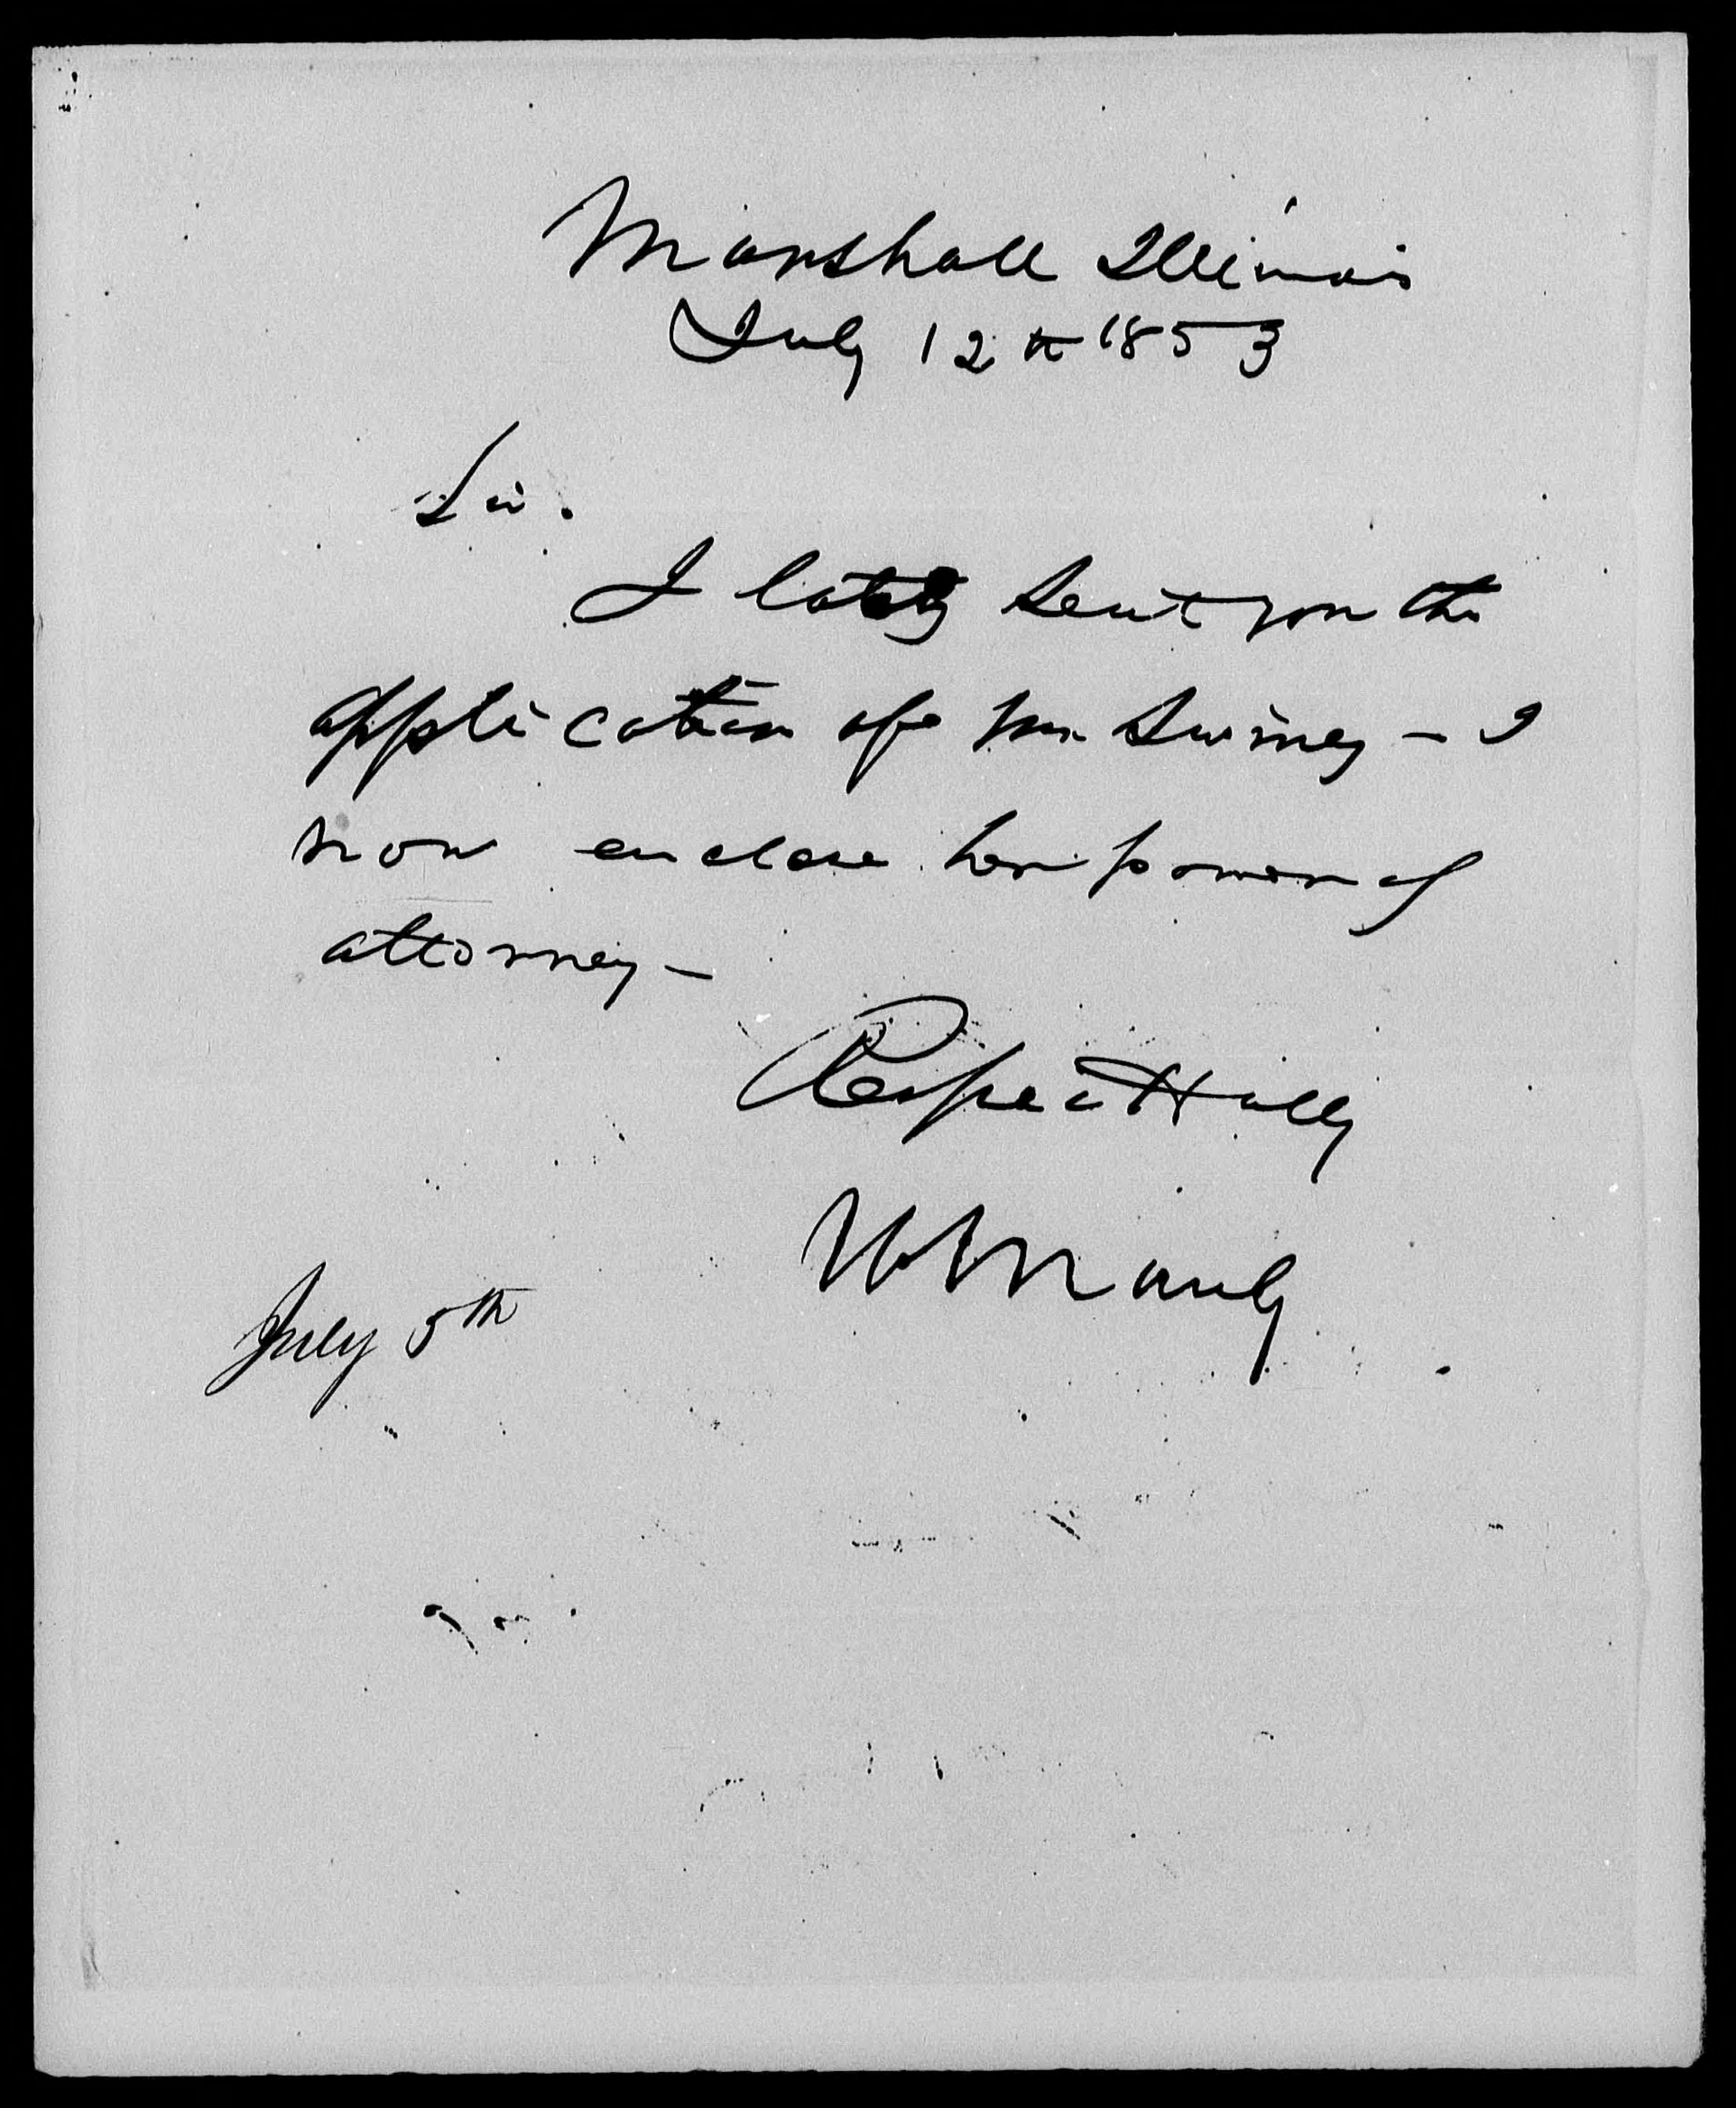Marshall Illinois 
July 12th 1853 
I lately sent you the application of Mrs. Swiney. I now enclose her power of attorney -
Respectfully 
W Manly

July 5th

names: W Manly, Wm Swiney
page: 44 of 51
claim: widow's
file: W. 27,409, William Dunnington, Md.